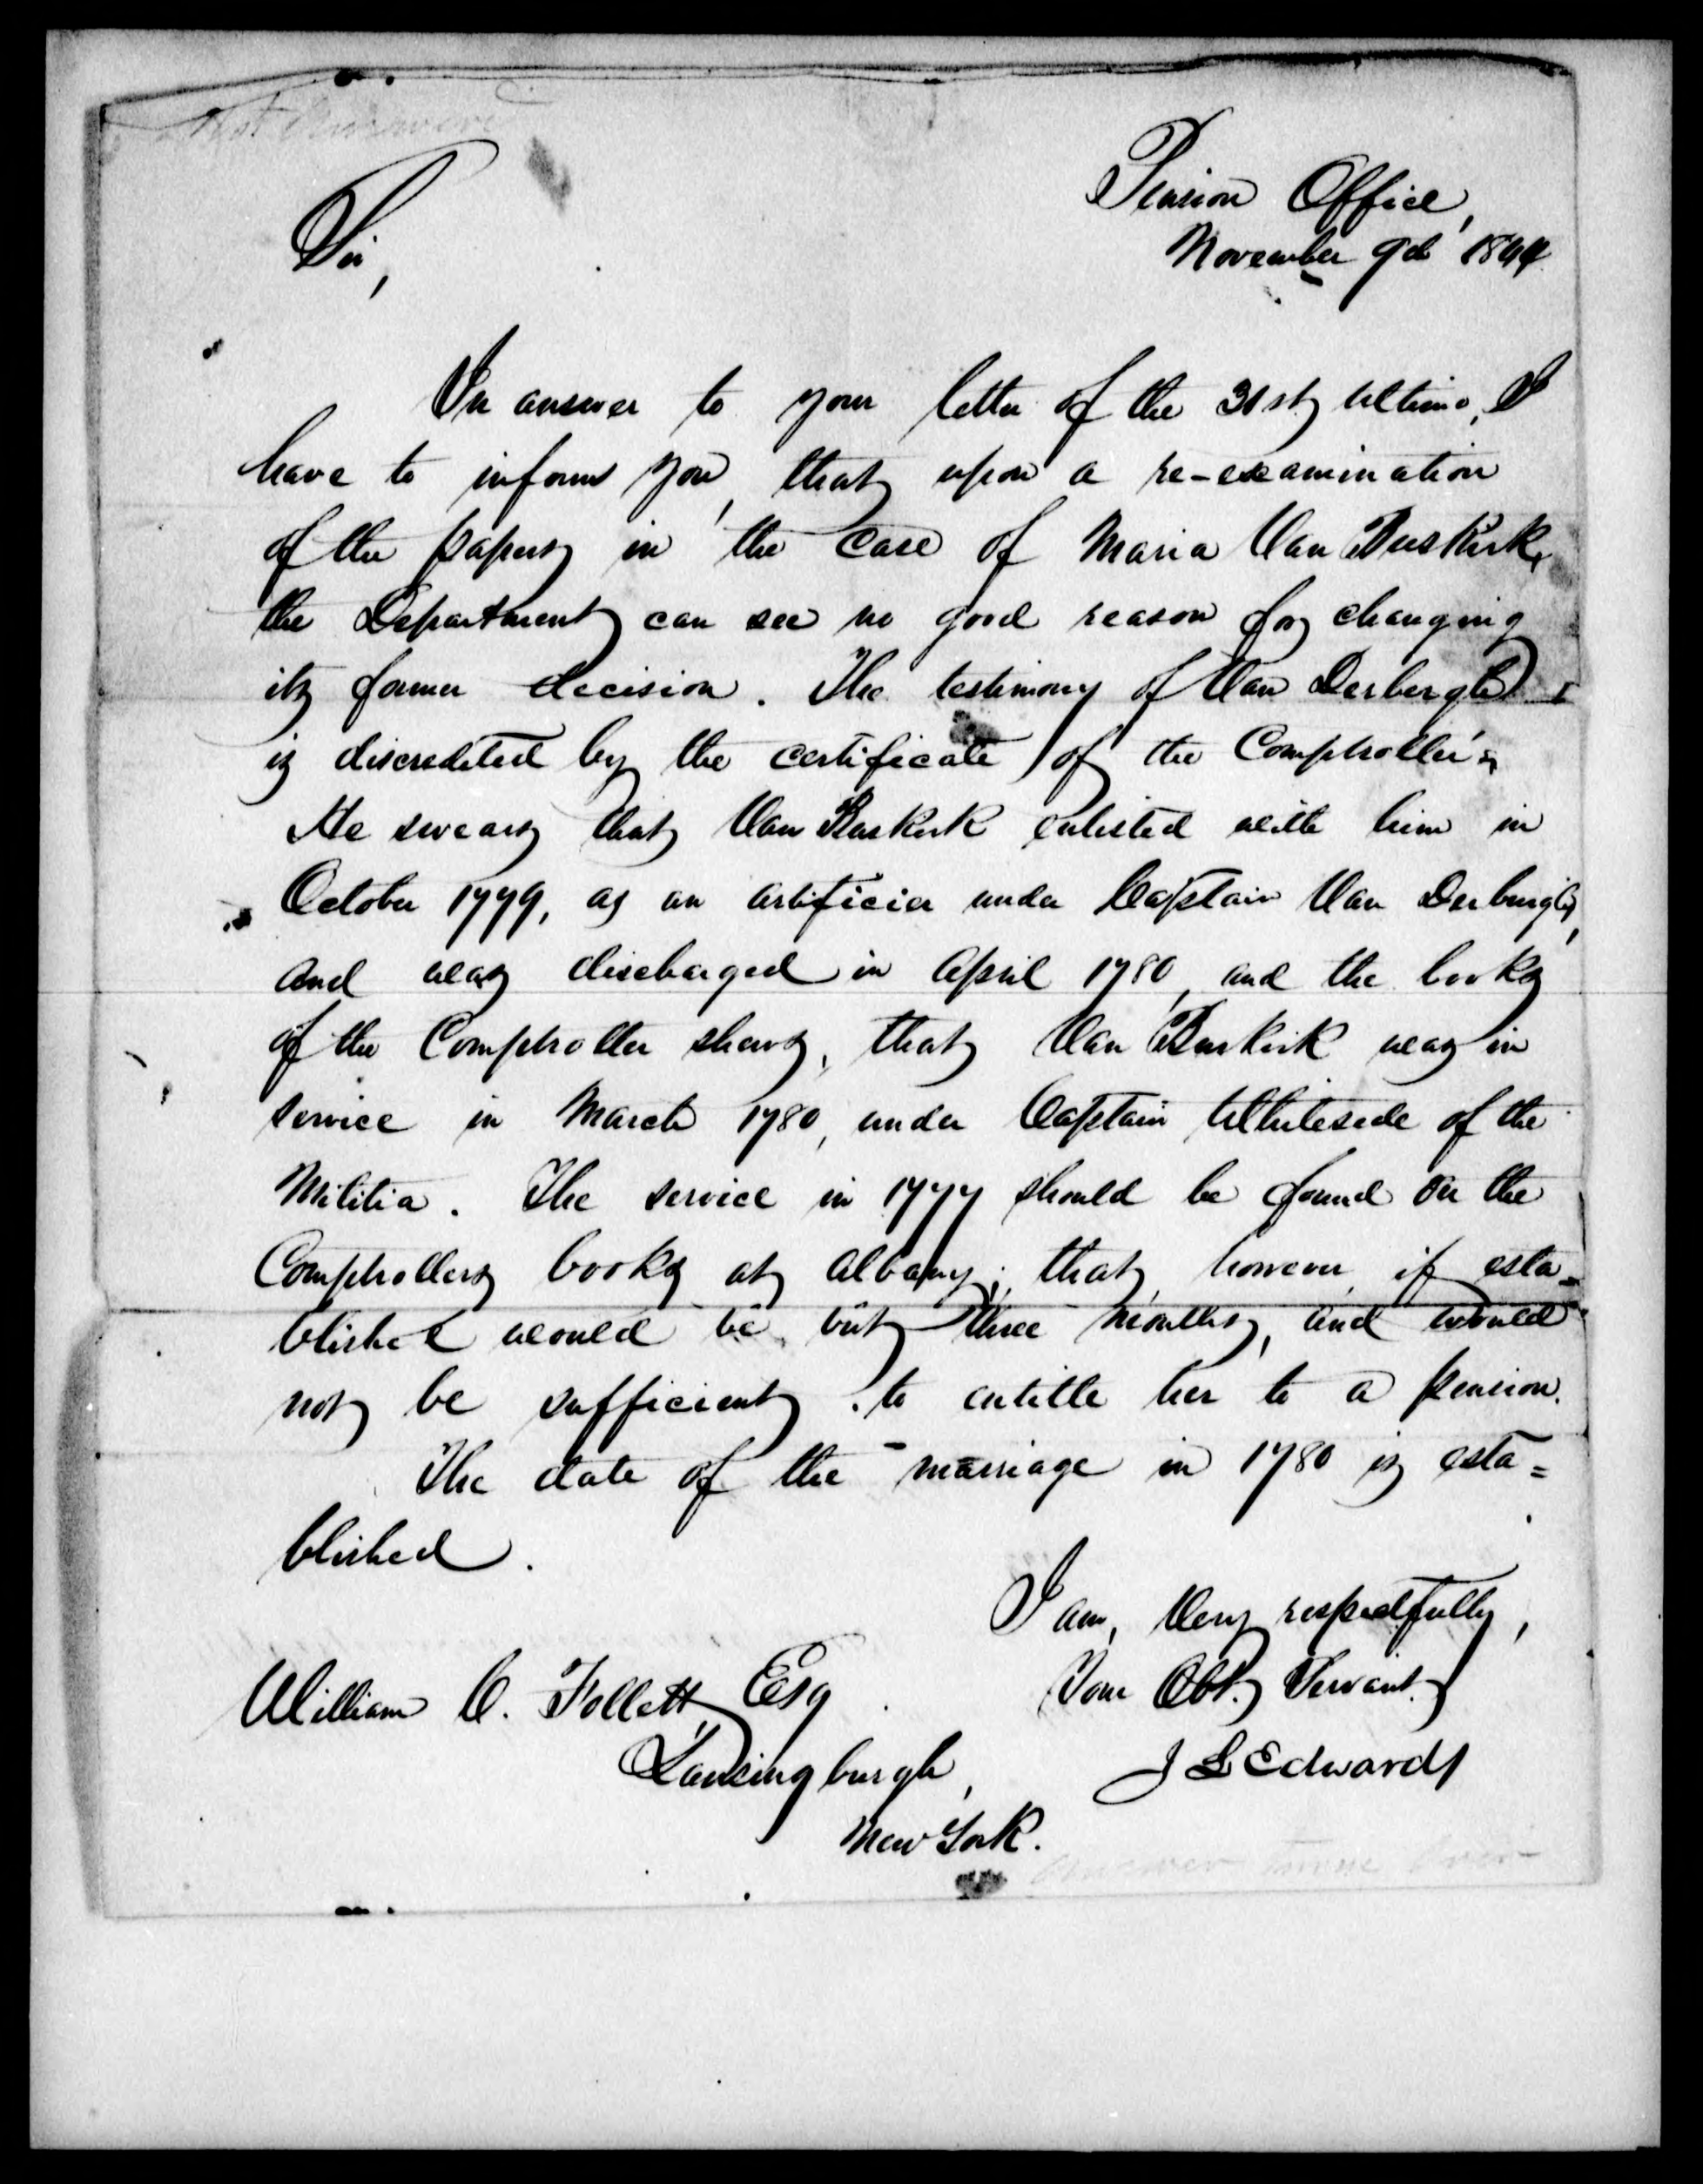[written faintly in top left corner]
Not Answered

Pension Office
November 9th 1844

Sir, 
In answer to your letter of the 31st [illegible], I have to inform you that upon a re-examination of the papers in the case of Maria Van Buskirk, the department can see no good reason for changing its former decision. The testimony of Van Denbergh is discredited by the certificate of the Comptroller, He swears that Van Buskirk enlisted with him in
October 1779, as an Artificer under Captain Van Derbergh's, and was discharged in April 1780, and the books and the books of the  Comptroller shows, that Van Buskirk was in
service in March 1780, under Captain Whiteside of the Militia.  The service in 1777 should be found on the Comptrollers books at Albany, that however if established would be but three months and would not be sufficient to entitle her to a pension.

The date of the marriage in 1780 is established.

I am, very respectfully your obt. Servant,
J. L. EdYwards [signature]

William C. Follett Esq
Lansingburgh
New York

[written faintly on bottom right page)
answer to me over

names: Whiteside, Van Buskirk, Van Derbergh, J L Edwards, Maria Van Buskirk, Van Buskirk, William C Follett, Van Derburgh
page: 36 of 70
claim: rejected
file: R. 10,832, Martin Van Buskirk, New York.